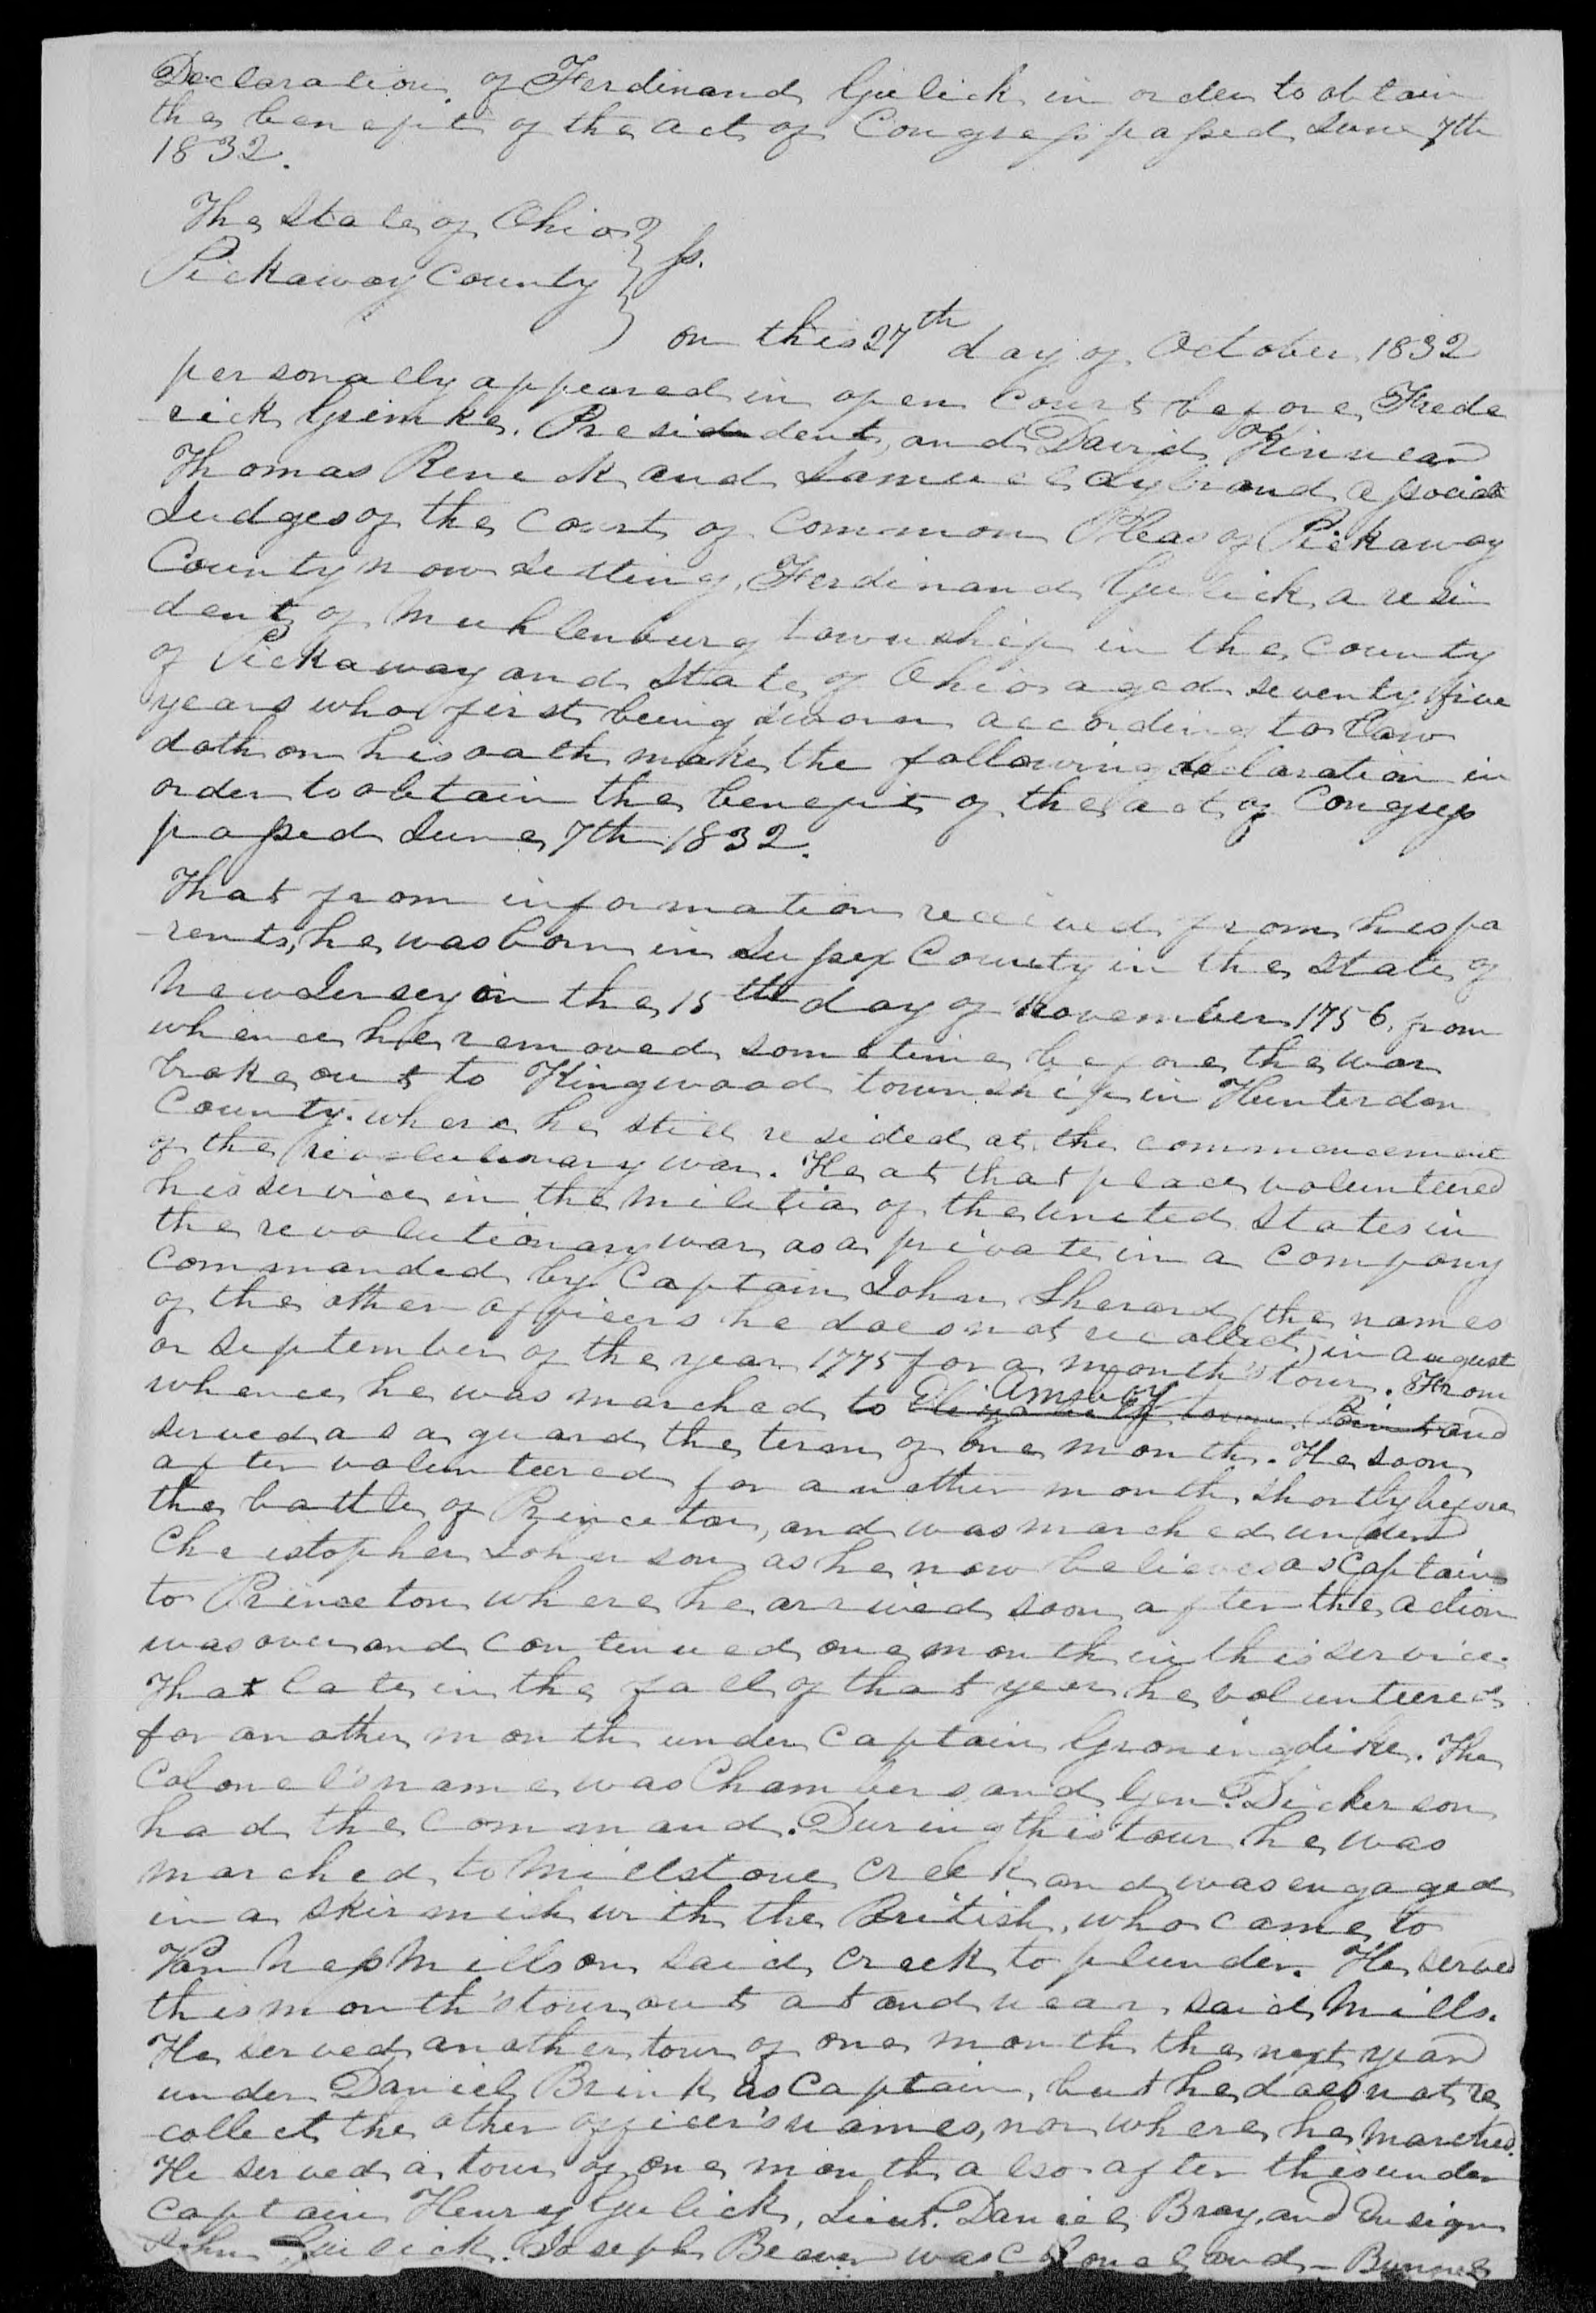Declaration of Ferdinand Gulick in order to obtain the benefits of the act of Congress passed June 7th 1832.

State of Ohio }
Pikaway County } ss

On this 27th day of October 1832 personally appeared in open court before Frederick Gulick, President and David Kinnear, Thomas Reneck and Samuel Lybrand associate Judges of the Court of Common Pleas of Pickaway County now sitting Ferdinand Gulick a resident of Muhlenberg township in the County of Pickaway and State of Ohio aged seventy five years who first being sworn according to law doth on his oath make the following declaration in order to obtain the benefit of the acts of Congress passed June 7th 1832.

That from information received from his parents, he was born in Sussex County in the state of New Jersey on the 15th day of November 1756, from whence he removed sometime before the war broke out to Kingwood township in Hunterdon County, where he still resided at the commencement of the Revolutionary War. He at that place volunteered his services in the militia of the United States in the Revolutionary War as a private in a company commanded by Captain John Sherard, the names of the other officers he does not recollect, in August or September of the year 1775 for a month's tour. From whence he was marched to Amboy and served as a guard the term of one month. He soon after volunteered for another month, shortly before the battle of Princeton, and was marched under Christopher Johnson as he now believes as Captain to Princeton where he arrived soon after the action was over and continued one month in this service. That later in the fall of that year he volunteered for another month under Captain Groningdike. The Colonel's name was Chambers and Gen Dickerson had the command. During this tour he was marched to Millstone Creek and was engaged in a skirmish with the British who came to Van Nap Mills on said Creek to plunder. He served this month's tour out and near said Mills. He served another tour of one month the next year under Daniel Brink as Captain, but he does not recollect the other officer's names, nor where he marched. He served a tour of one month also after this under Captain Henry Gulick, Lieut Daniel Bray and Ensign John Gulick, Joseph Beaver was Colonel and Bunnel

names: Frederick Grimke, Bunnel, John Sherard, Henry Gulick, Christopher Johnson, Ferdinand Gulick, David Kinnear, Samuel Lybrand, John Gulick, Groningdike, Ferdinand Gulick, Daniel Bray, Thomas Reneck, Chambers, Joseph Beaver, Dickerson, Daniel Brink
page: 5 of 21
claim: survivor's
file: S. 2586, Ferdinand Gulick, New Jersey Va.